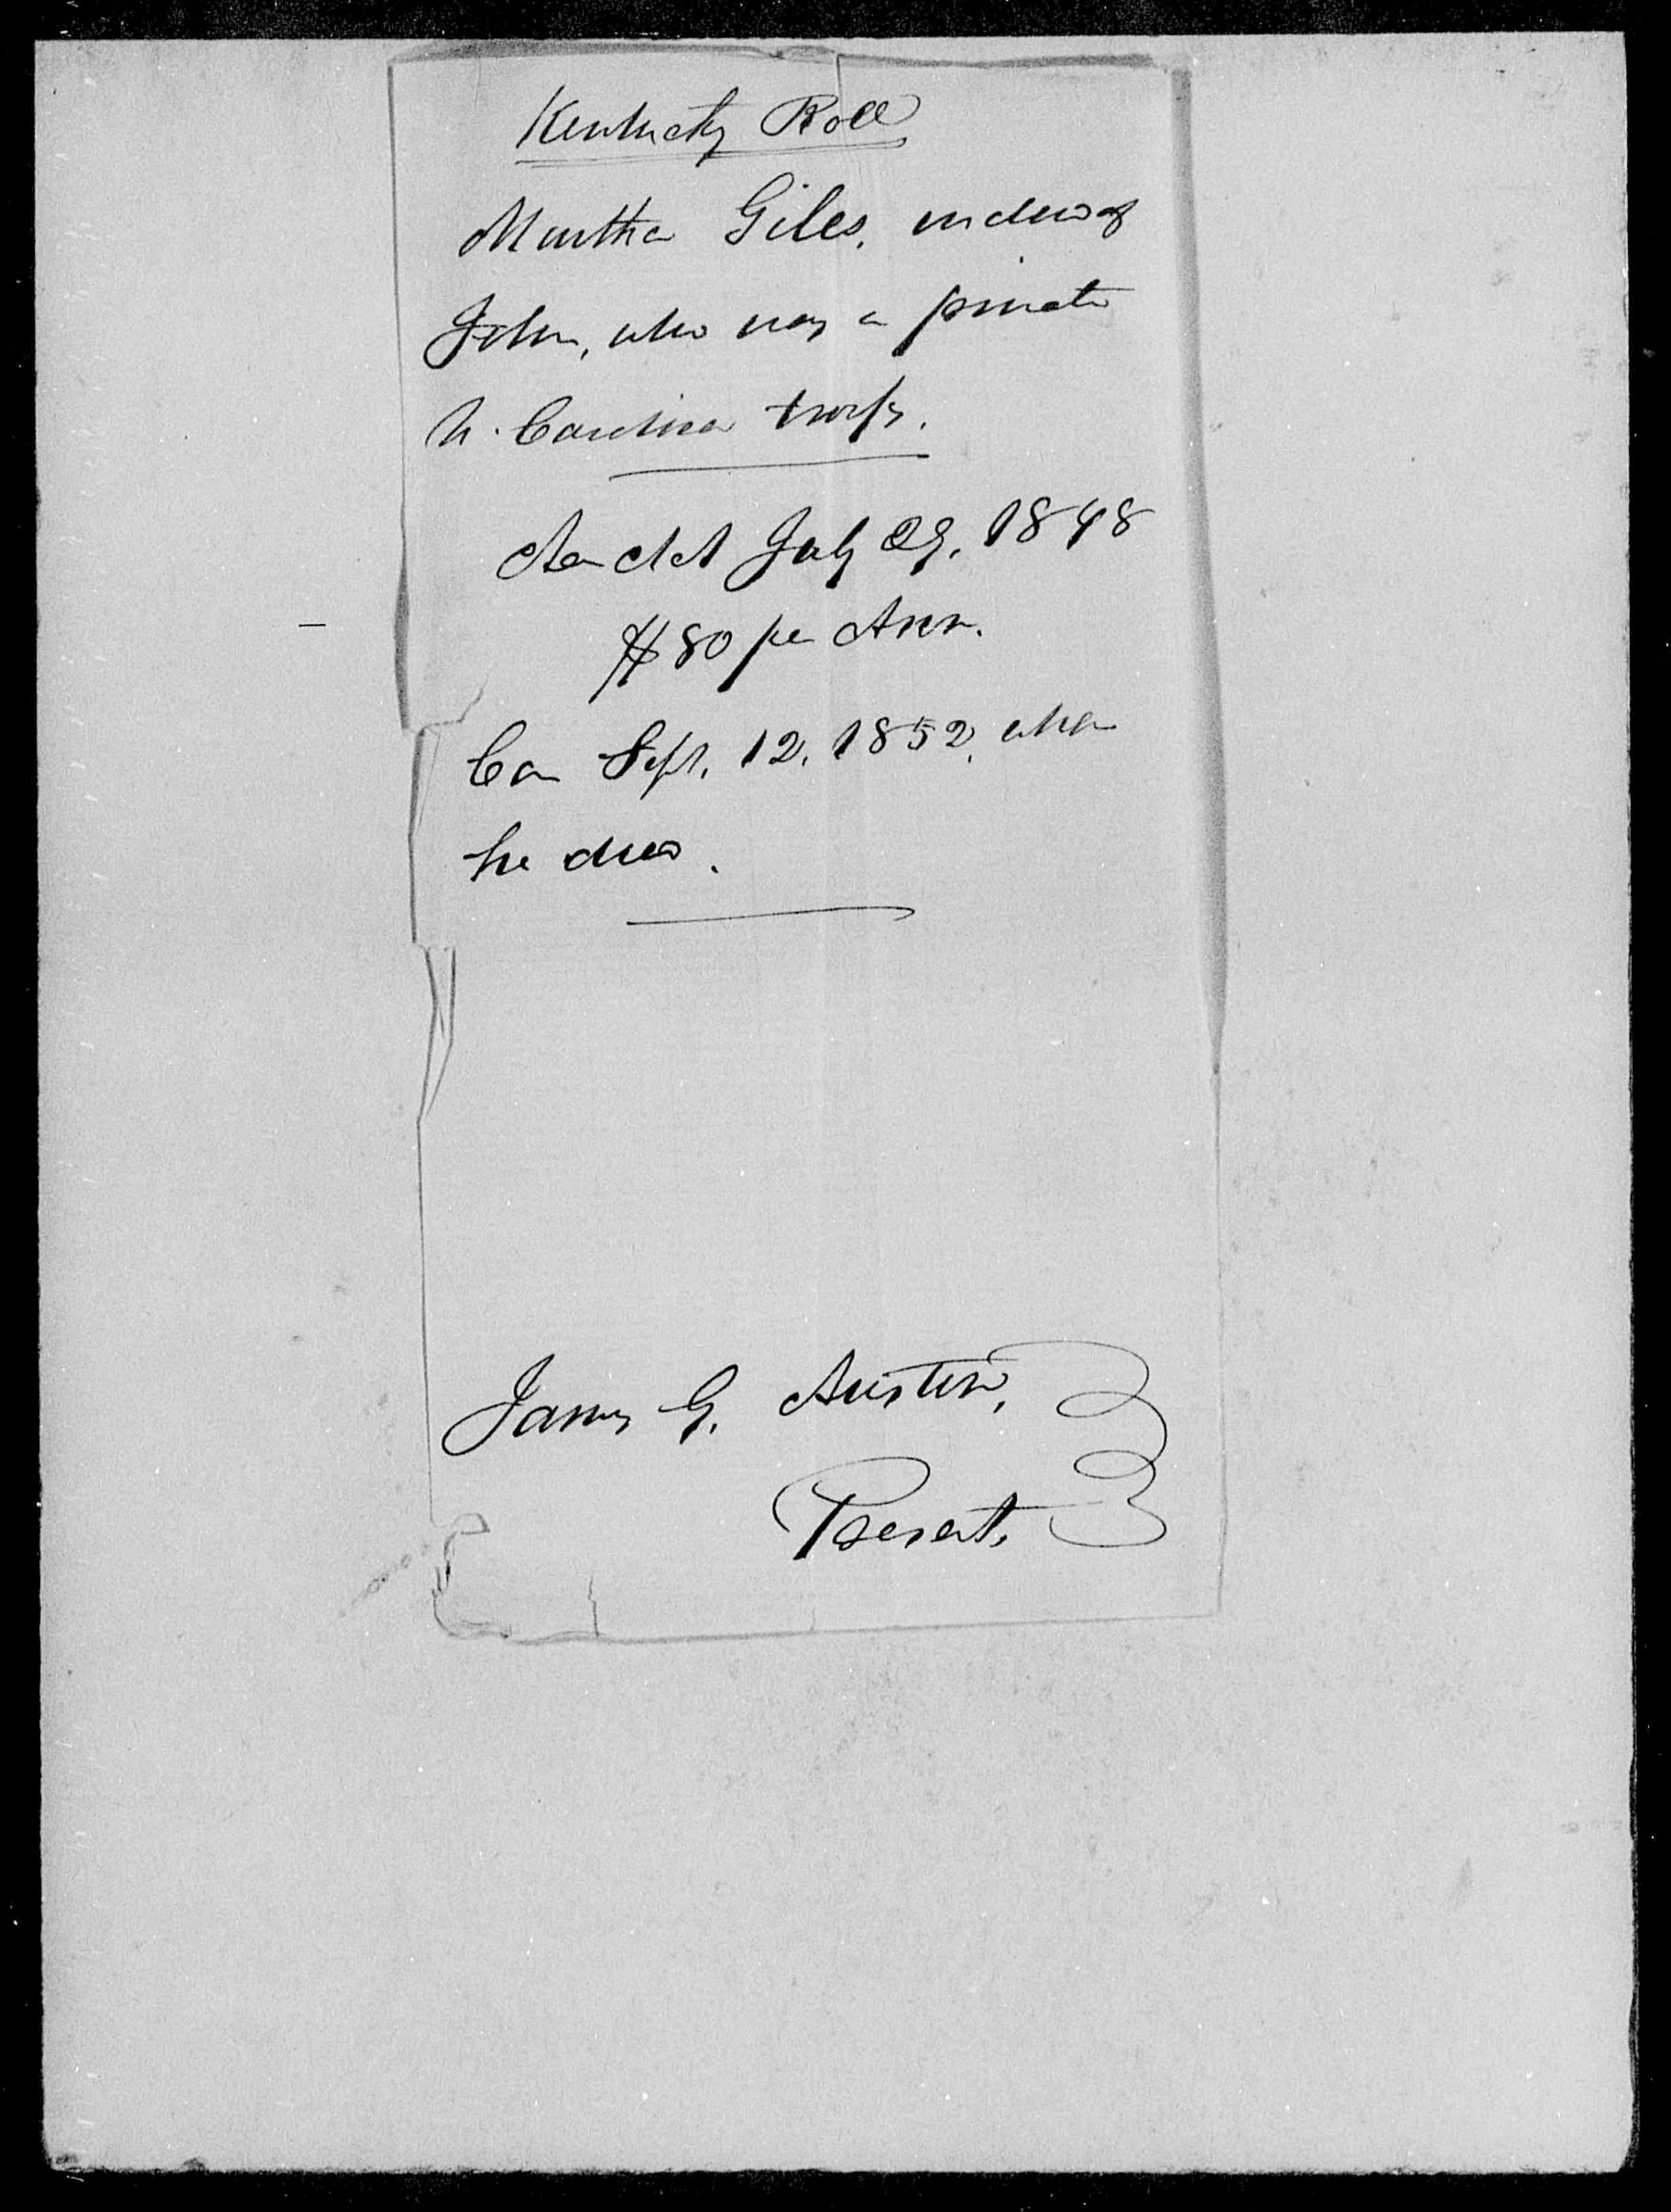Kentucky Roll

Martha Giles widow of
John, who was a private
N. Carolina Troops

Per Act July 29, 1848
$80 per Ann
Co Sept. 12. 1852 when
he died

James G. Austin
Present,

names: James G Austin, John Giles, Martha Giles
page: 49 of 82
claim: widow's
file: W. 7,522, John Giles, N.C.